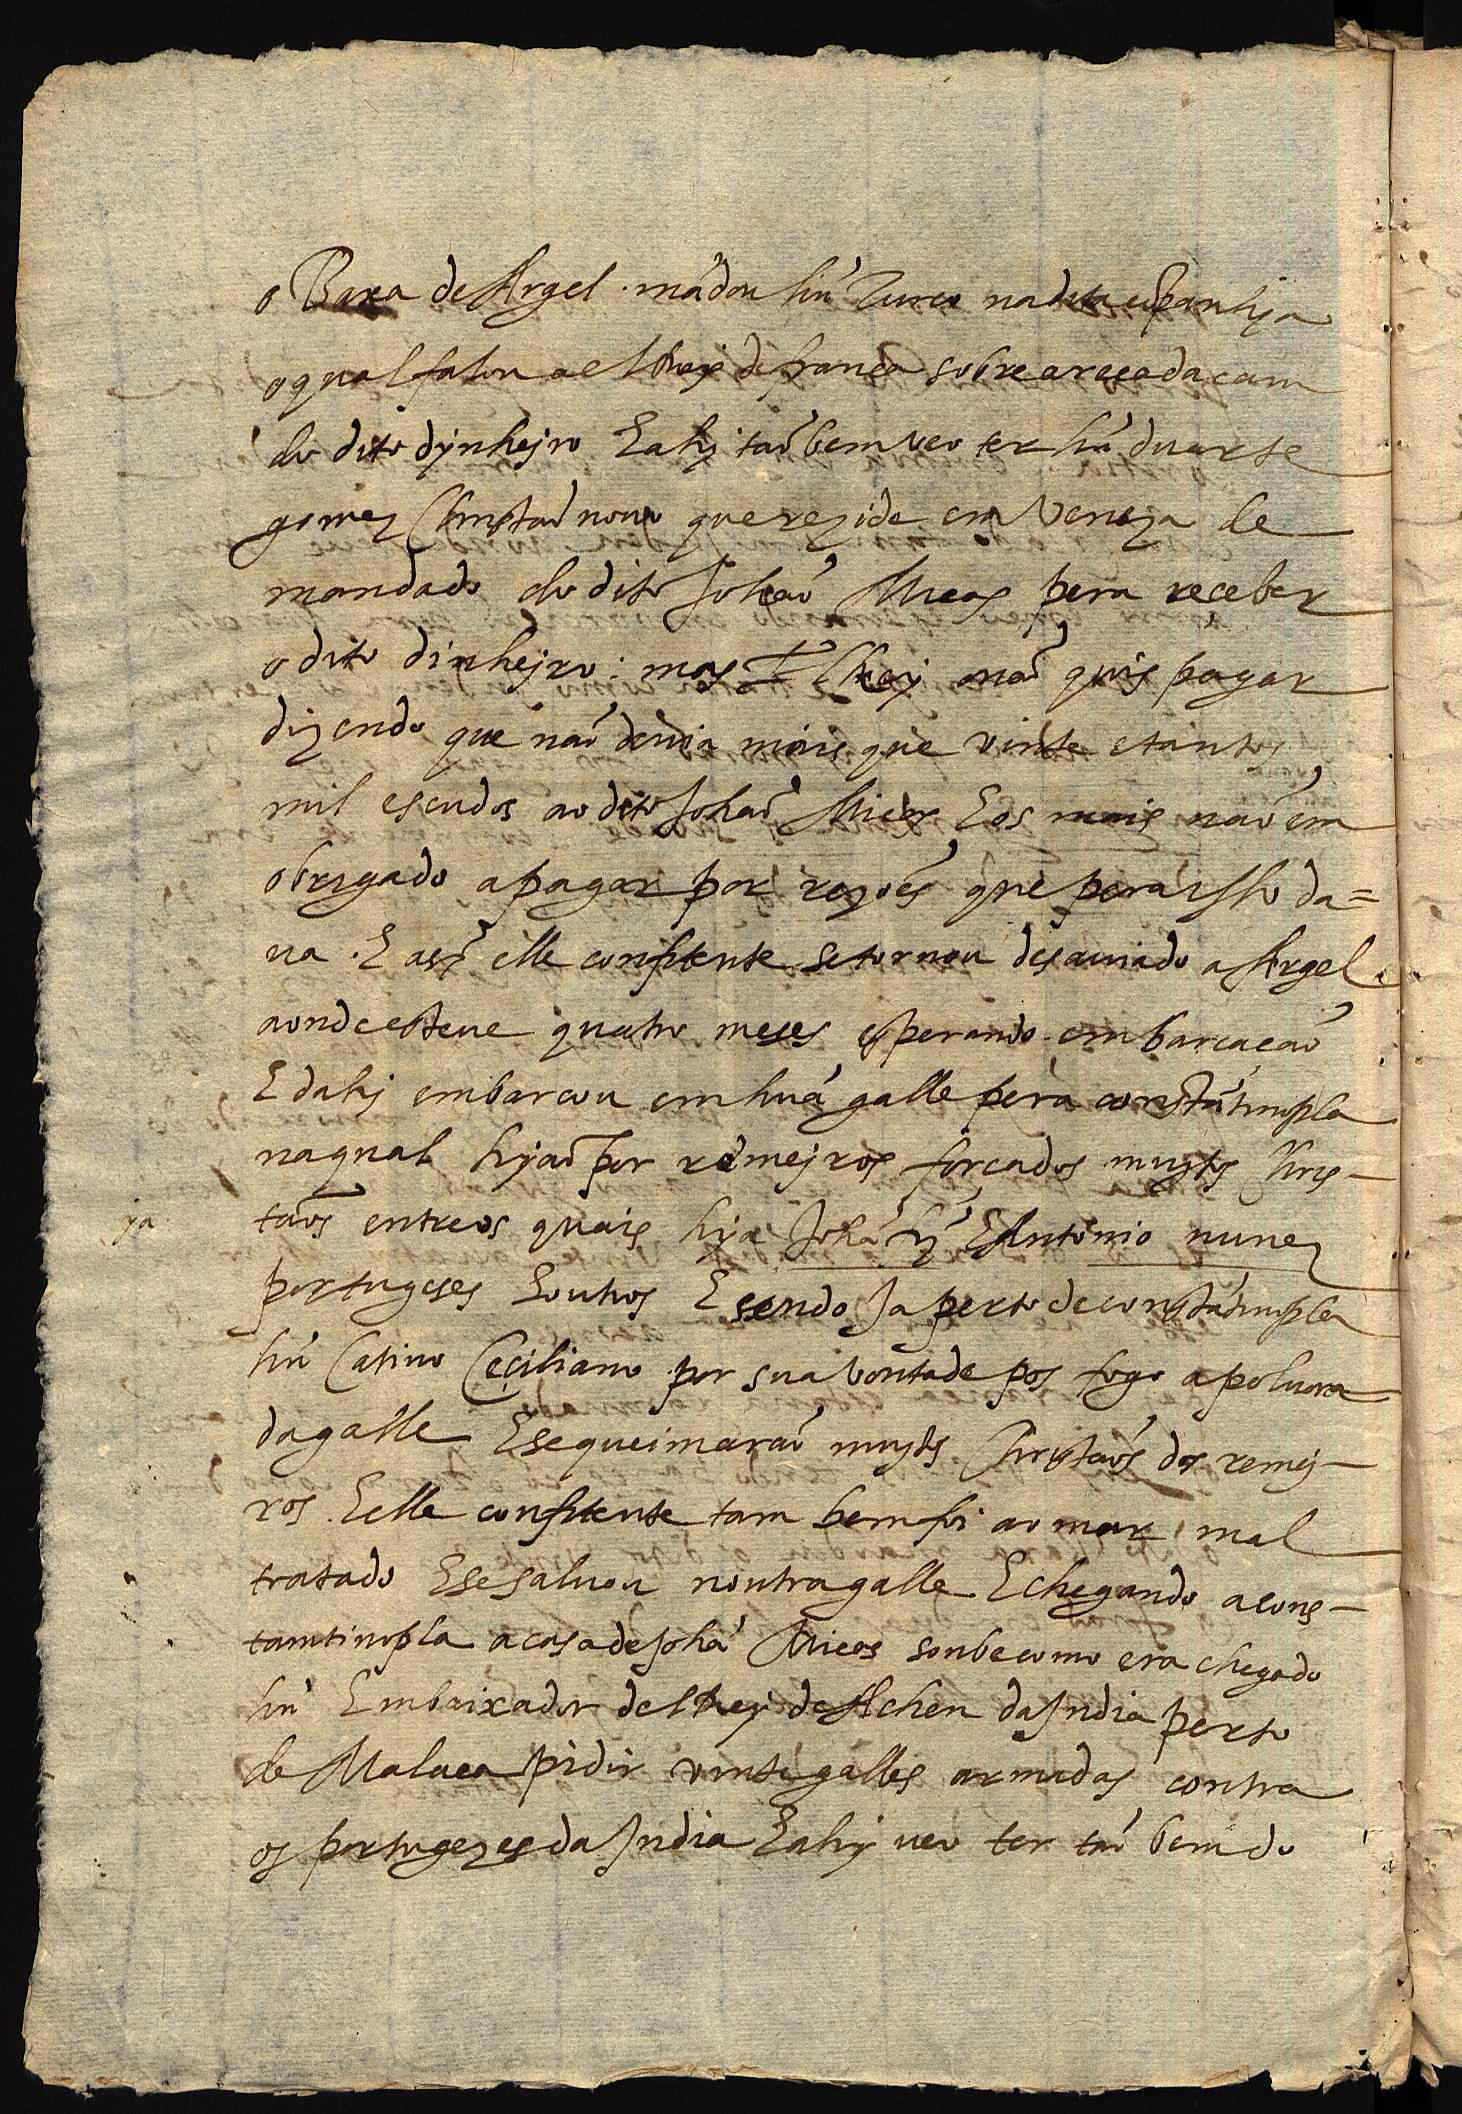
ya
o Baxa de Argel. mādou hū Turco na dita cōpanhja
o qual falou a el Rey de frança sobre a recadacam
do dito dynhejro E ahj taõbem veo ter hū duarte
gomez Christaõ nouo que rezide em Veneza de
mandado do dito Johaõ Micas pera reçeber
o dito dinhejro: mas El Rey o naõ quis pagar
dizendo que naõ deuia mais que vinte E tantos
mil escudos ao dito Johaõ Micas E os mais naõ era
obrigado a pagar por rezoẽs que pera isso da
ua. E asj̄ elle confitente se tornou desauiado a Argel
aonde esteue quatro meses esperando embarcaçaõ
E dahj embarcou em huā galle pera constātinopla
na qual hyaõ por remejros forçados mujtos Chris
taõs entre os quais hya Johā Frz̄ E Antonio nunez
portugeses E outros E sendo Ja perto de constātinopla
hū Catiuo Ceçiliano por sua vontade pos fogo a poluora
da galle E se queimaraõ mujtos Christaõs dos remej
ros, E elle confitente tambem foi ao mar mal
tratado E se saluou noutra galle E chegando a cons
tamtinopla a casa de Johā Micas soube como era chegado
hū Embaixador del Rey de Achen da Jndia perto
de Malaca pidir vinte galles armadas contra
os portugezes da Jndia E ahy ueo ter taõbem do
